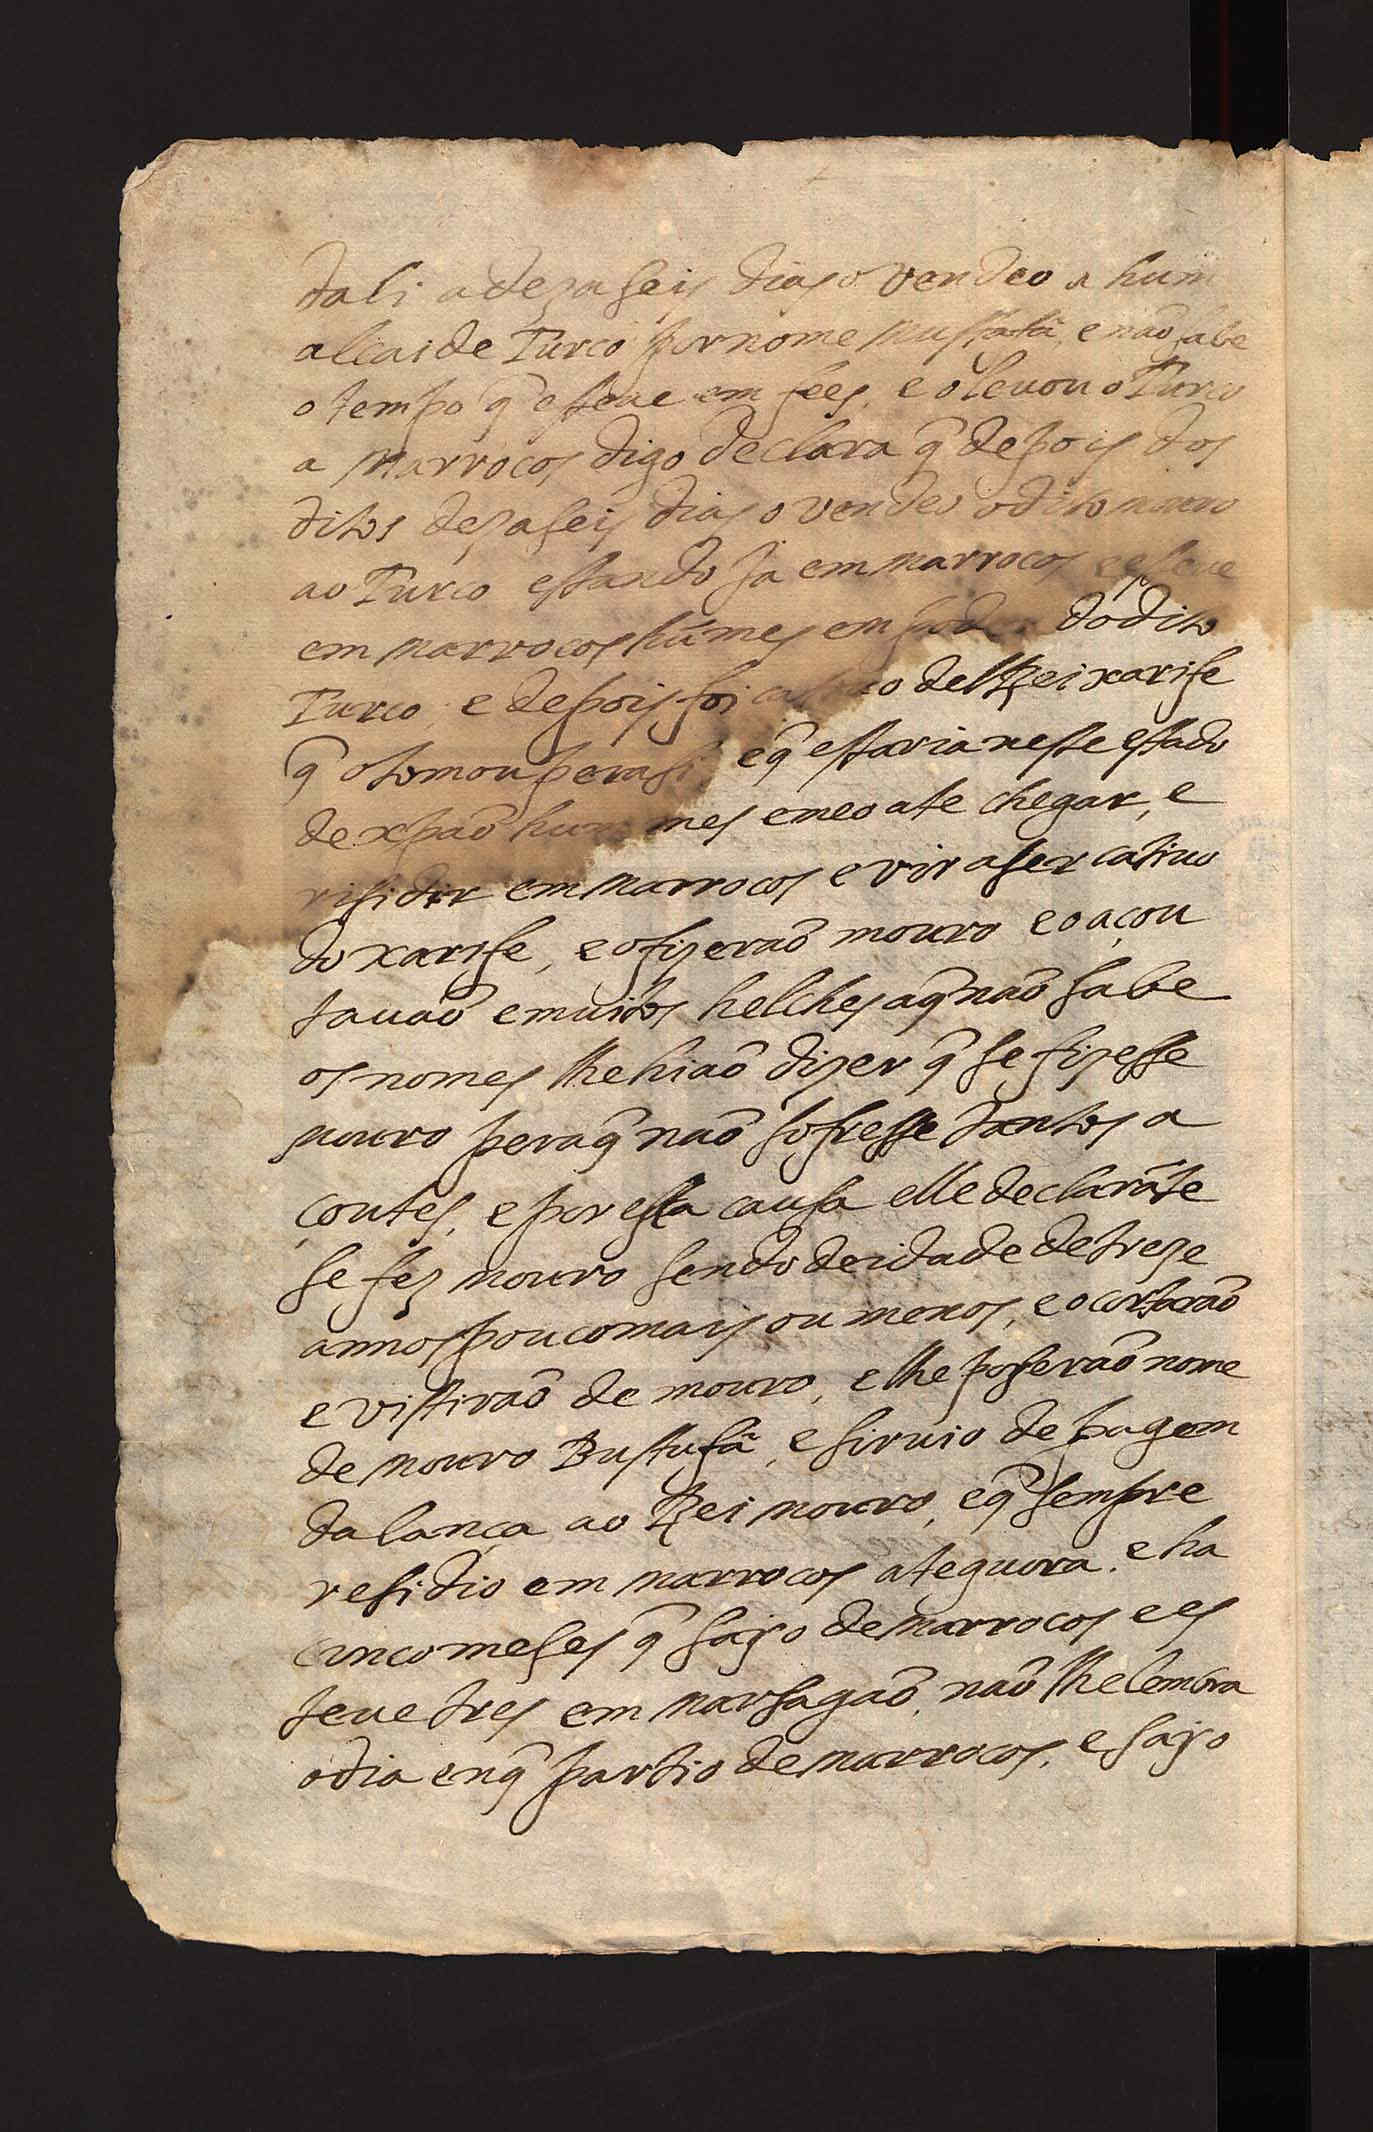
dali a dezaseis dias o vendeo a hum
alcaide Turco por nome mustafâ, e naõ sabe
o tempo q̄ esteue em fees, e o leuou o Turco
a Marrocos digo declara q̄ depois dos
ditos dezaseis dias o vendeo o dito mouro
ao Turco estando Ja em marrocos E esteue
em marrocos hū mes em poder do dito
Turco, e depois foi catiuo del Rei xarife
q̄ o tomou pera si e q̄ estaria neste estado
de xpaõ hum mes e meo ate chegar, e
risidir em marrocos, e vir a ser catiuo
do xarife, e o fizeraõ mouro e o açou
tauaõ e muitos helches a q̄ naõ sabe
os nomes lhe hiaõ dizer q̄ se fizesse
Mouro pera q̄ naõ sofresse tantos a
çoutes, e por esta causa elle declarāte
se fez mouro sendo de idade de treze
annos pouco mais ou menos, e o cortaraõ
e vistiraõ de mouro e lhe poseraõ nome
de mouro Bustufâ, e siruio de pagem
da lança ao Rei mouro, e q̄ sempre
residio em marrocos ate guora, e ha
cinco meses q̄ sayo de marrocos e es
teue tres em marsagaõ, naõ lhe lembra
o dia en q̄ partio de marrocos, e sayo
